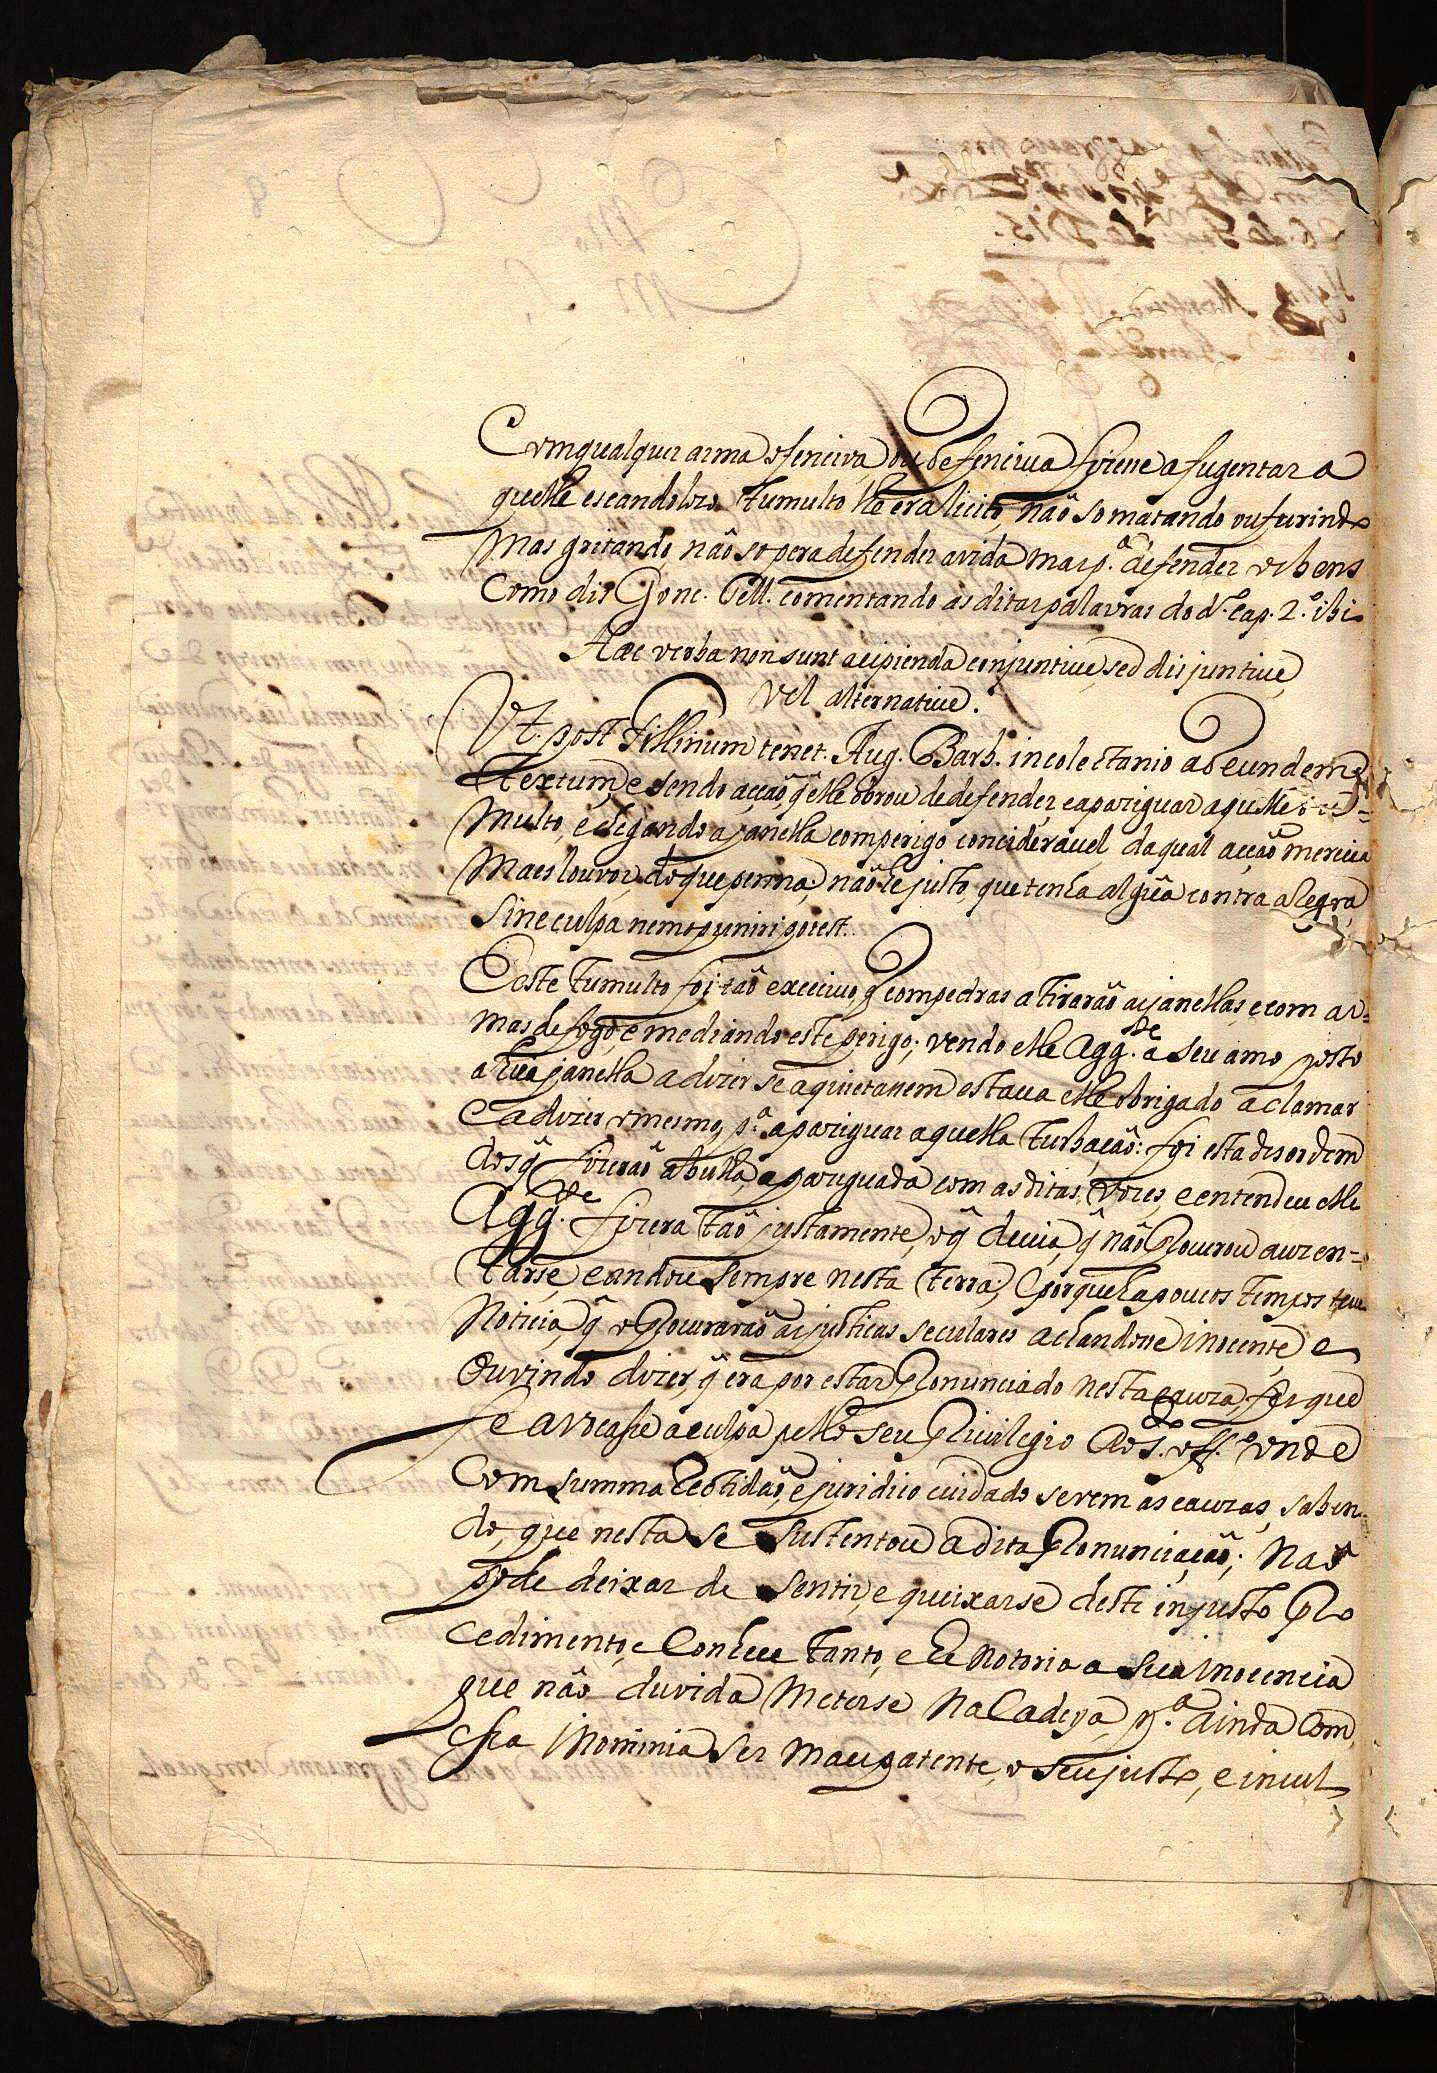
Com qualquer arma ofenciva, ou defenciua fizesse afugentar a
quelle escandalozo tumulto lhe era licito, naõ so matando ou ferindo
mas gritando naõ so pera defender a vida mas p.a defender os bens
Como dis Gonc. Tell. comentando as ditas palavras do d.o cap. 2.o ibi
Hæc verba non sunt acipienda conjuntiue, sed disjuntiue,
vel alternatiue.
Vt. post Fillinum tenet. Aug. Barb. in colectanio ad eundem
textum, e sendo acçaõ q̄ elle obrou de defender, e apaziguar aquelle
multo, e chegando a janella com perigo, conciderauel, da qual acçaõ merecia
maes louvor, do que penna; naõ he justo, que tenha alguā contra a Regra,
sine culpa nemo puniri potest.
E este tumulto foi taõ exceciuo, q̄ com pedras atiraraõ as janellas, e com ar
mas de fogo, e mediando este perigo; vendo elle agg.te a seu amo posto
e hua janella a dizer se aquietassem estaua elle obrigado a clamar
e a dizer o mesmo, p.a apaziguar aquella turbaçaõ: foi esta desordem
aos q̄ fizeraõ a bulla, apaziguada com as ditas vozes, e entendeu elle
Agg.te fizera taõ justamente, o q̄ deuia, q̄ naõ procurou auzen
tarse, e andou sempre nesta terra; e porque ha poucos tempos teue
noticia, q̄ o procuraraõ as justiças seculares achandosse inocente e
ouvindo dizer, q̄ era por estar pronunciado nesta cauza, fez que
se avocasse a culpa pello seu priuilegio ao s.to off.o onde
com summa Rectidaõ, e juridico cuidado serem as cauzas, saben
do, que nesta se sustentou a dita pronunciaçaõ; naõ
pode deixar de sentir, e queixarse deste injusto pro
cedimento, e conhece tanto, e he notoria a sua inocencia
que naõ duvida meterse na Cadeya, p.a ainda com
essa inominia ser mau patente, o seu justo, e incul
